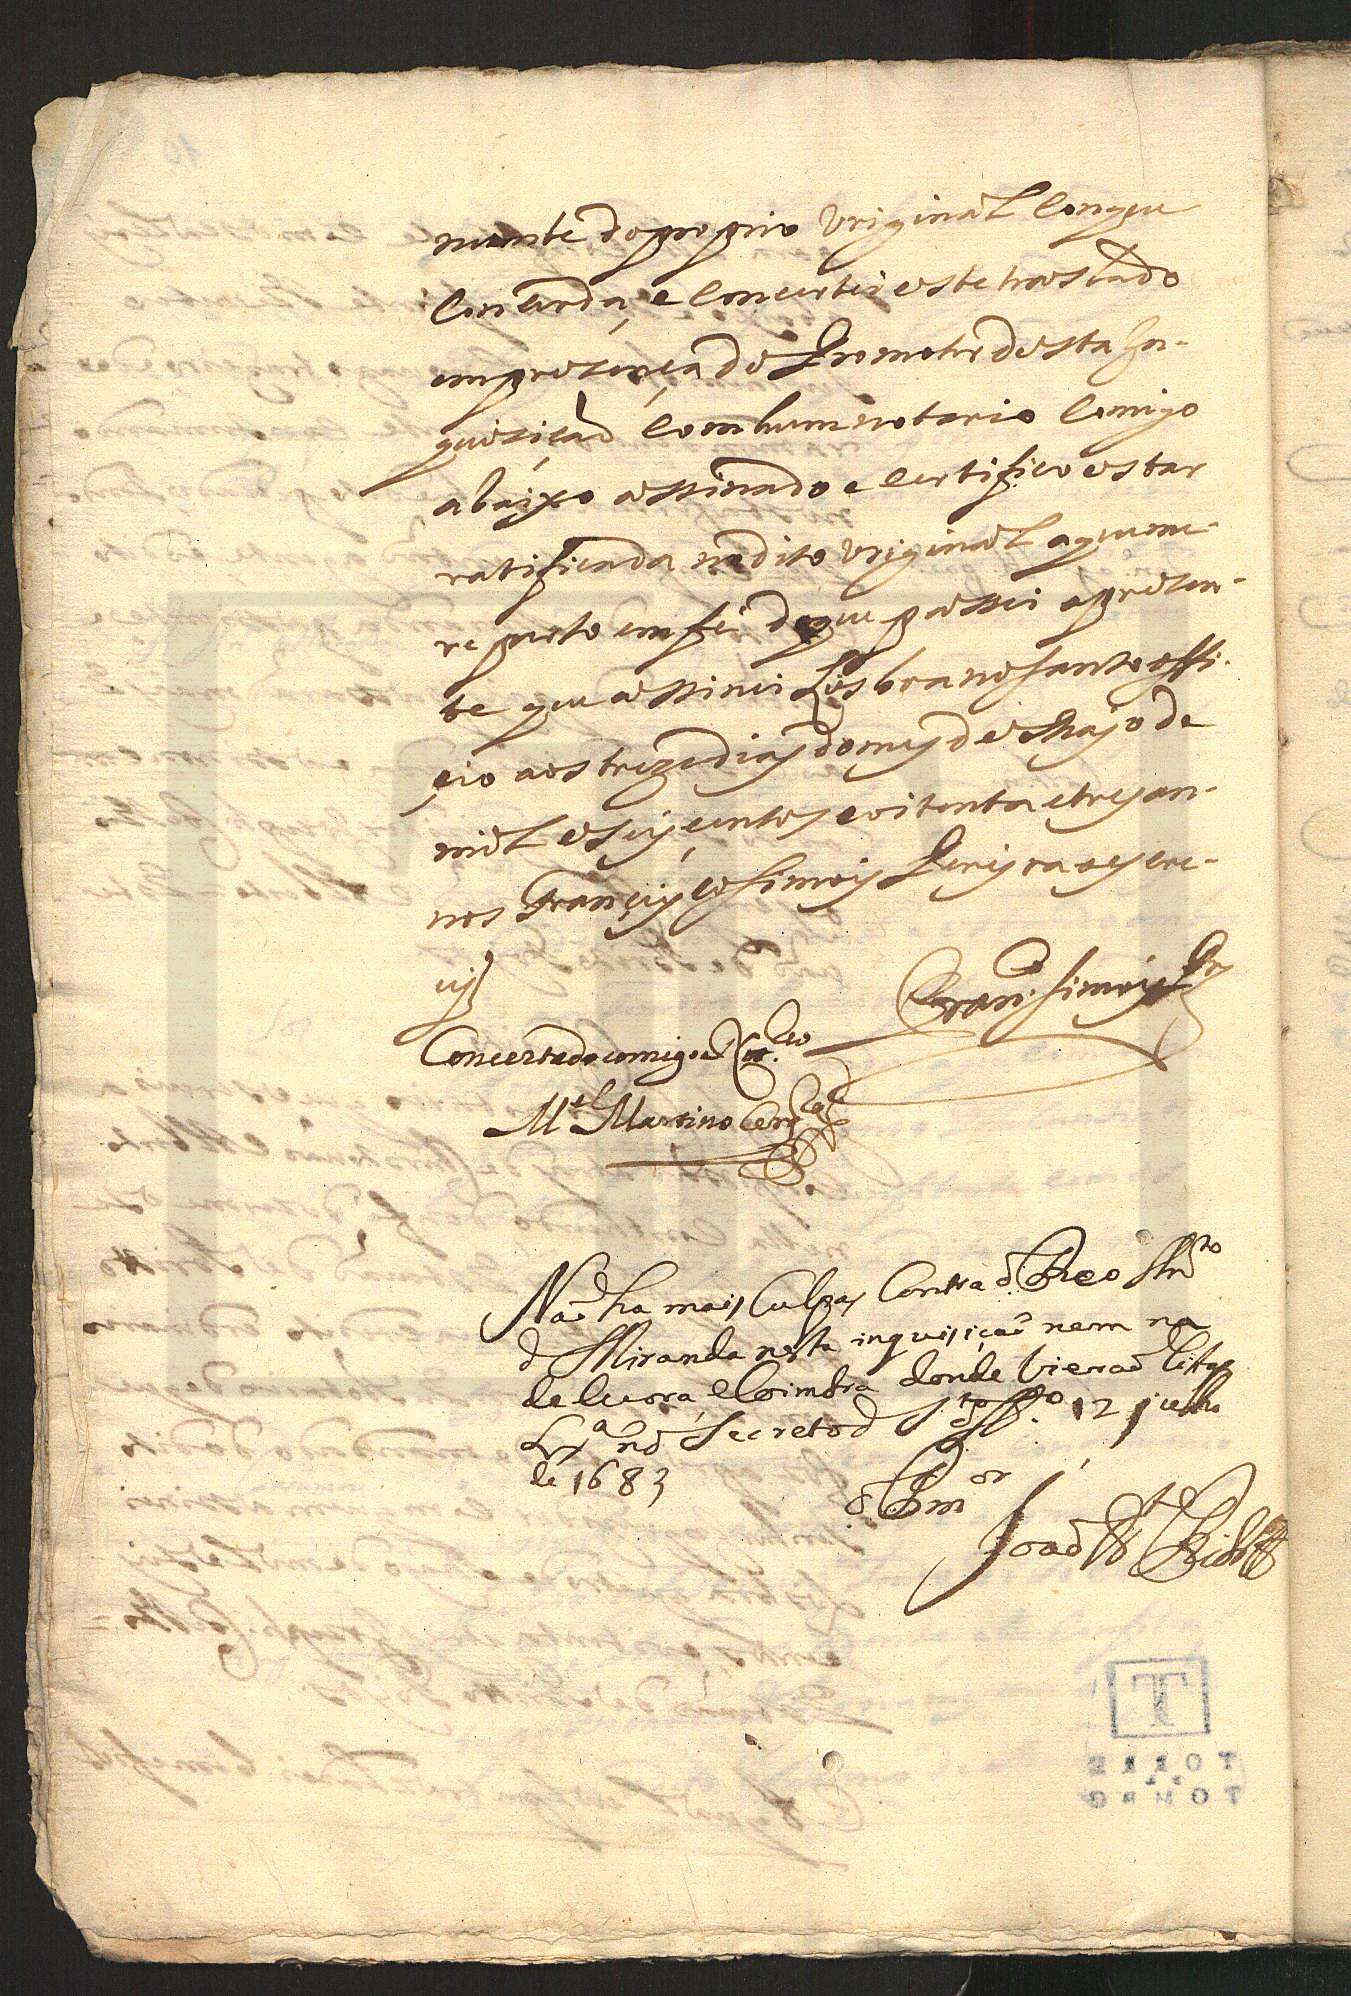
mente do proprio vriginaL con que
concorda, e concertei este traslado
em prezença do Promotor desta Jn
quiziçaõ com hum notario comigo
abaixo assinado e certifico estar
ratificada no dito vriginal a quem
reporto em fé do que passei a prezen
te que assinei Lisboa no santo offi
çio aos treze dias do mes de Majo de
miL e seisçentos e oitenta e tres an
nos Françisco simois Pereira o escre
uj
Concertado comigo Not.ro
Naõ ha mais Culpas Contra o Reo Anto
de Miranda nesta inquisiçaõ nem na
de Euora, e Coimbra donde Vieraõ Citas
Lxa no Secreto d̄ Sto off.o 12 julho
de 1683
o Pmor
